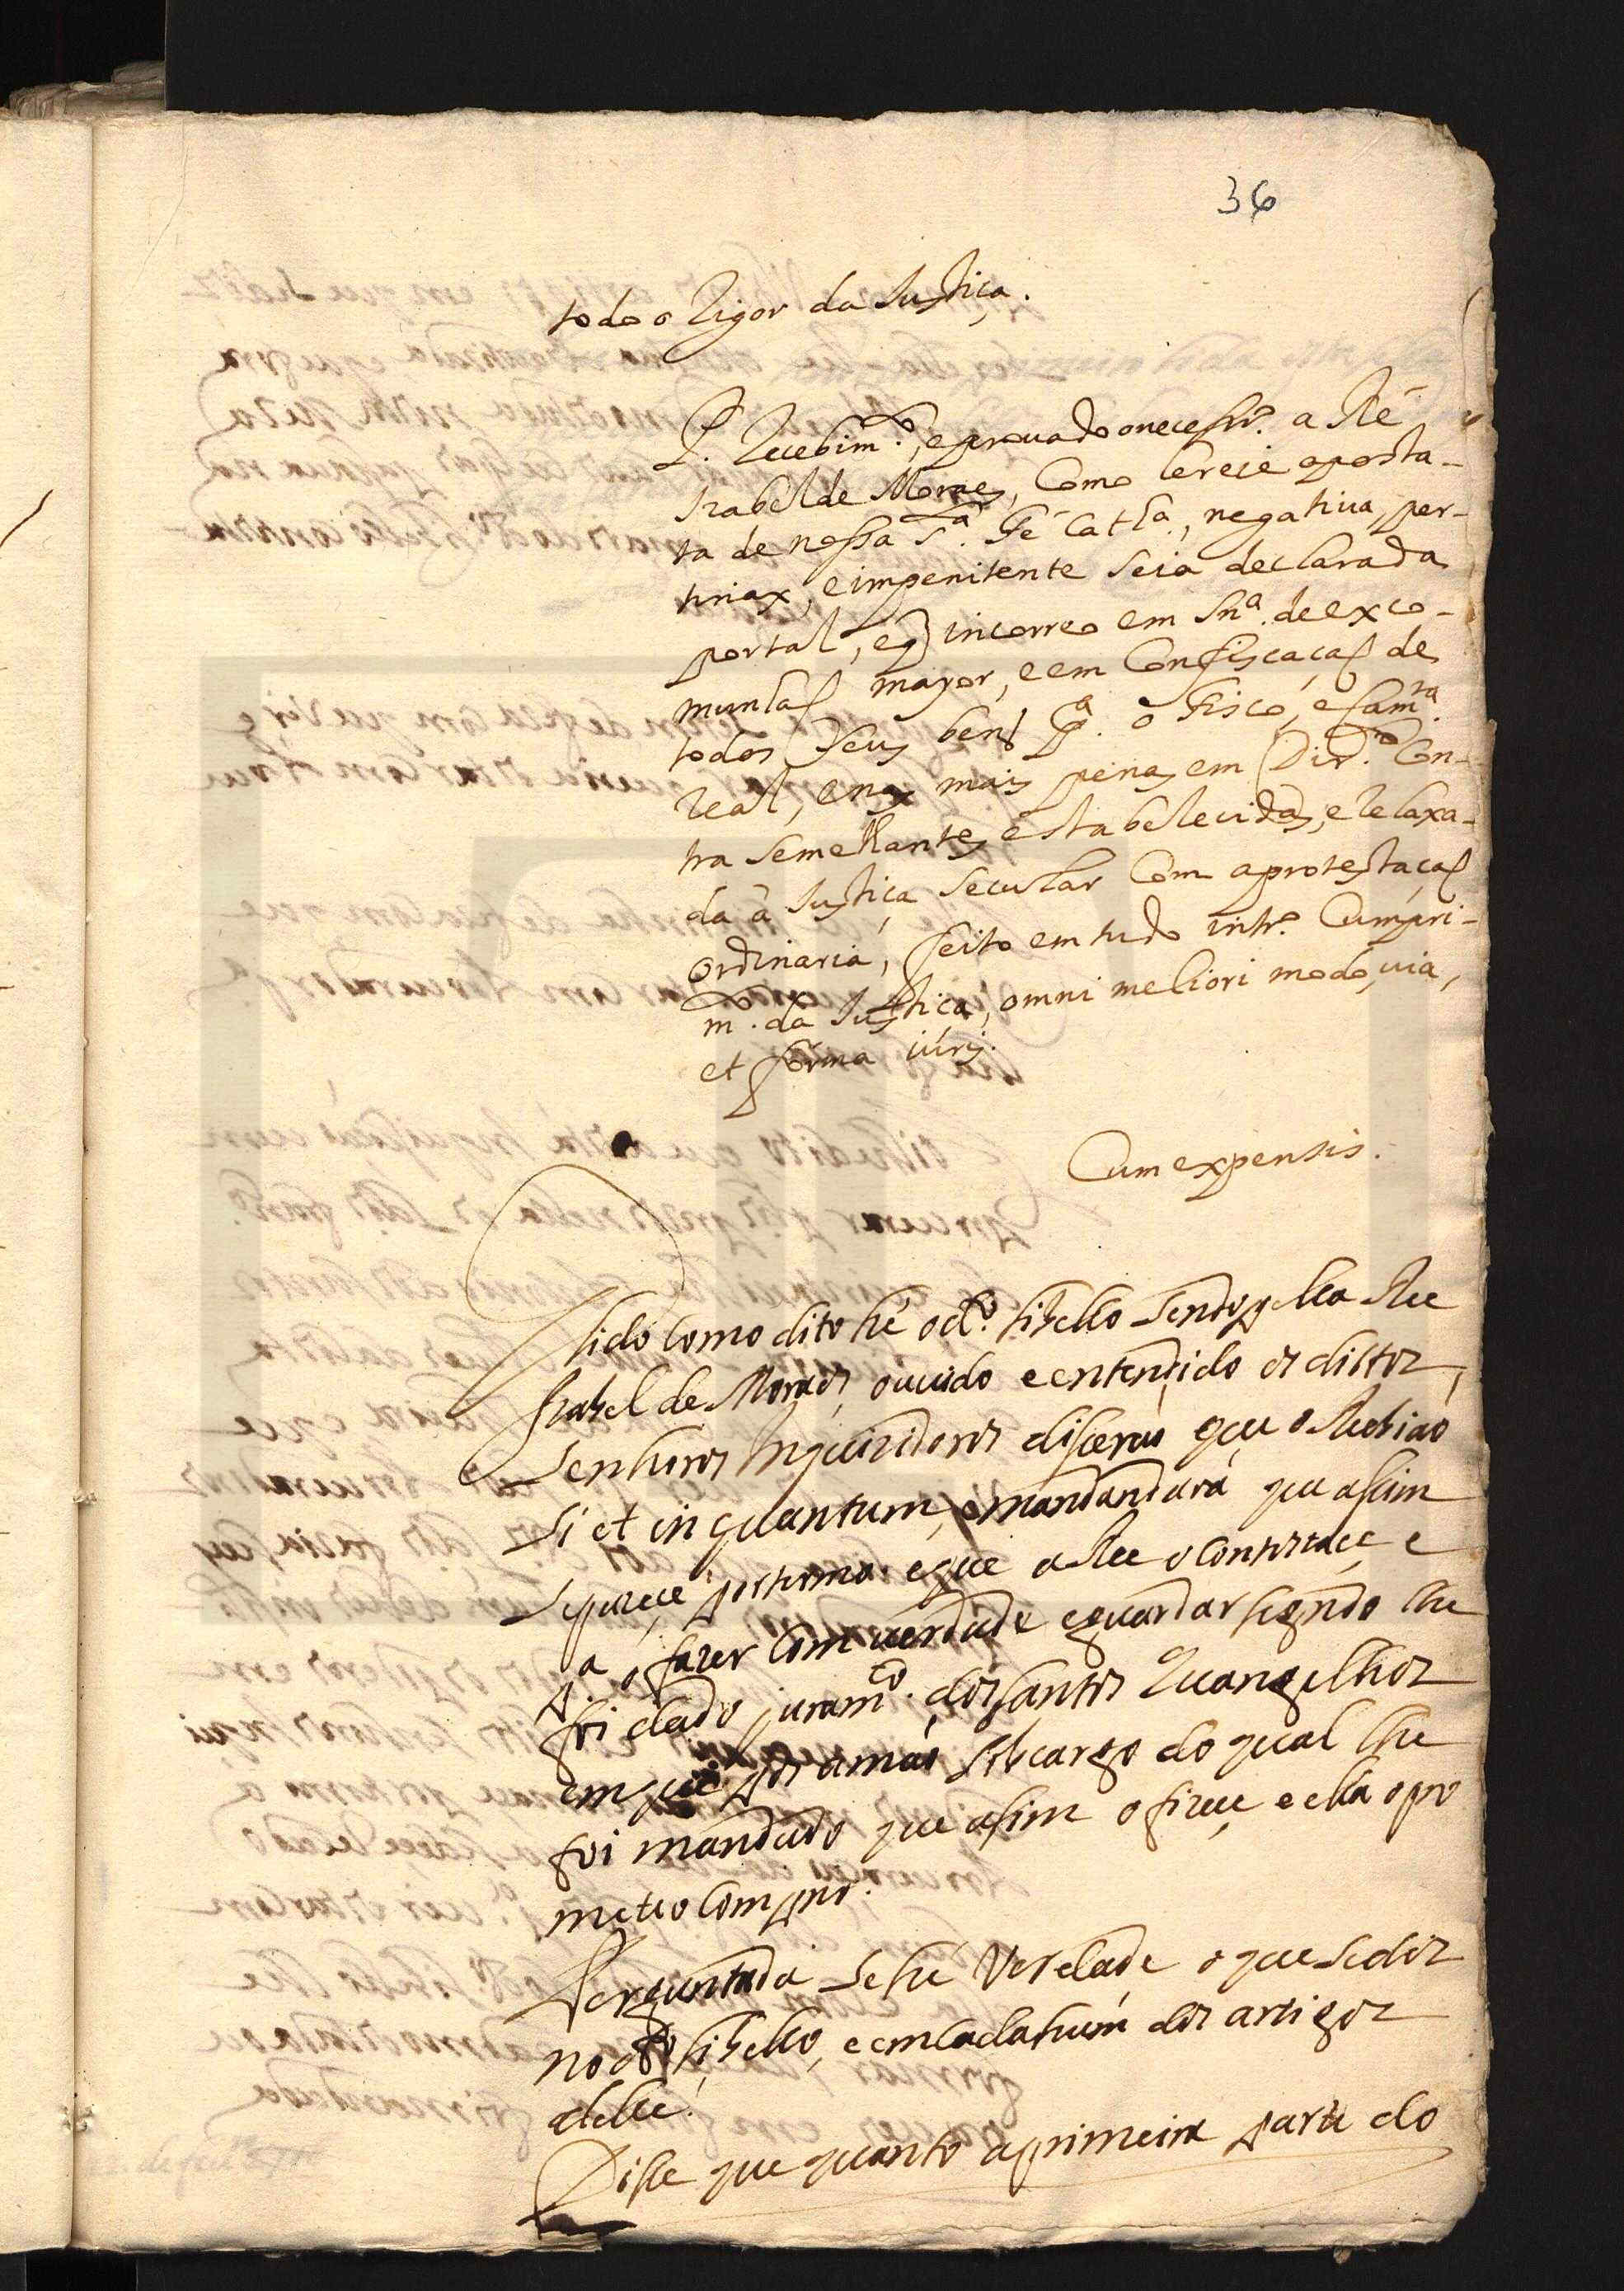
todo o Rigor da Iustiça.
P. Recebim.to, e prouado o necessro. a Ré
Izabel de Moraes, Como hereie aposta
ta de nossa s.ta Fé Cath.a, negatiua, per
tinax, e impenitente seia declarada
por tal, e q̄ incorreo em sn.a de exco
munhaõ mayor, e em Confiscaçaõ de
todos seus bens p.a o Fisco, e Cam.ra
Real, e nas mais penas em Dir.to Con
tra semelhantes estabelecidas; e Relaxa
da à Iustiça Secular Com a protestaçaõ
ordinaria, feito em tudo intr.o Cumpri
m.to da Iustiça, omni meliori modo, uia,
et fórma iuris.
Cum expensis.
E lido como dito hé o d̄.o libello sendo pella Ree
Jzabel de Moraes, ouuido e entendido os dittos
Senhores Inquizidores disseraõ que o Rcebiaõ
si et in quantum, o mandandará que assim
se puzece por termo e que a Ree o contestace, e
p.a o fazer com uerdade e guardar segredo lhe
foi dado juram.to dos santos Euangelhos
em que pos a máo sob cargo do qual lhe
foi mandado que assim o fizece e ella o pro
meteo comprir.
Perguntada se hé verdade o que se diz
no d̄.o libello, e em cada hum dos artigos
delle?
Disse que quanto a primeira parte do
